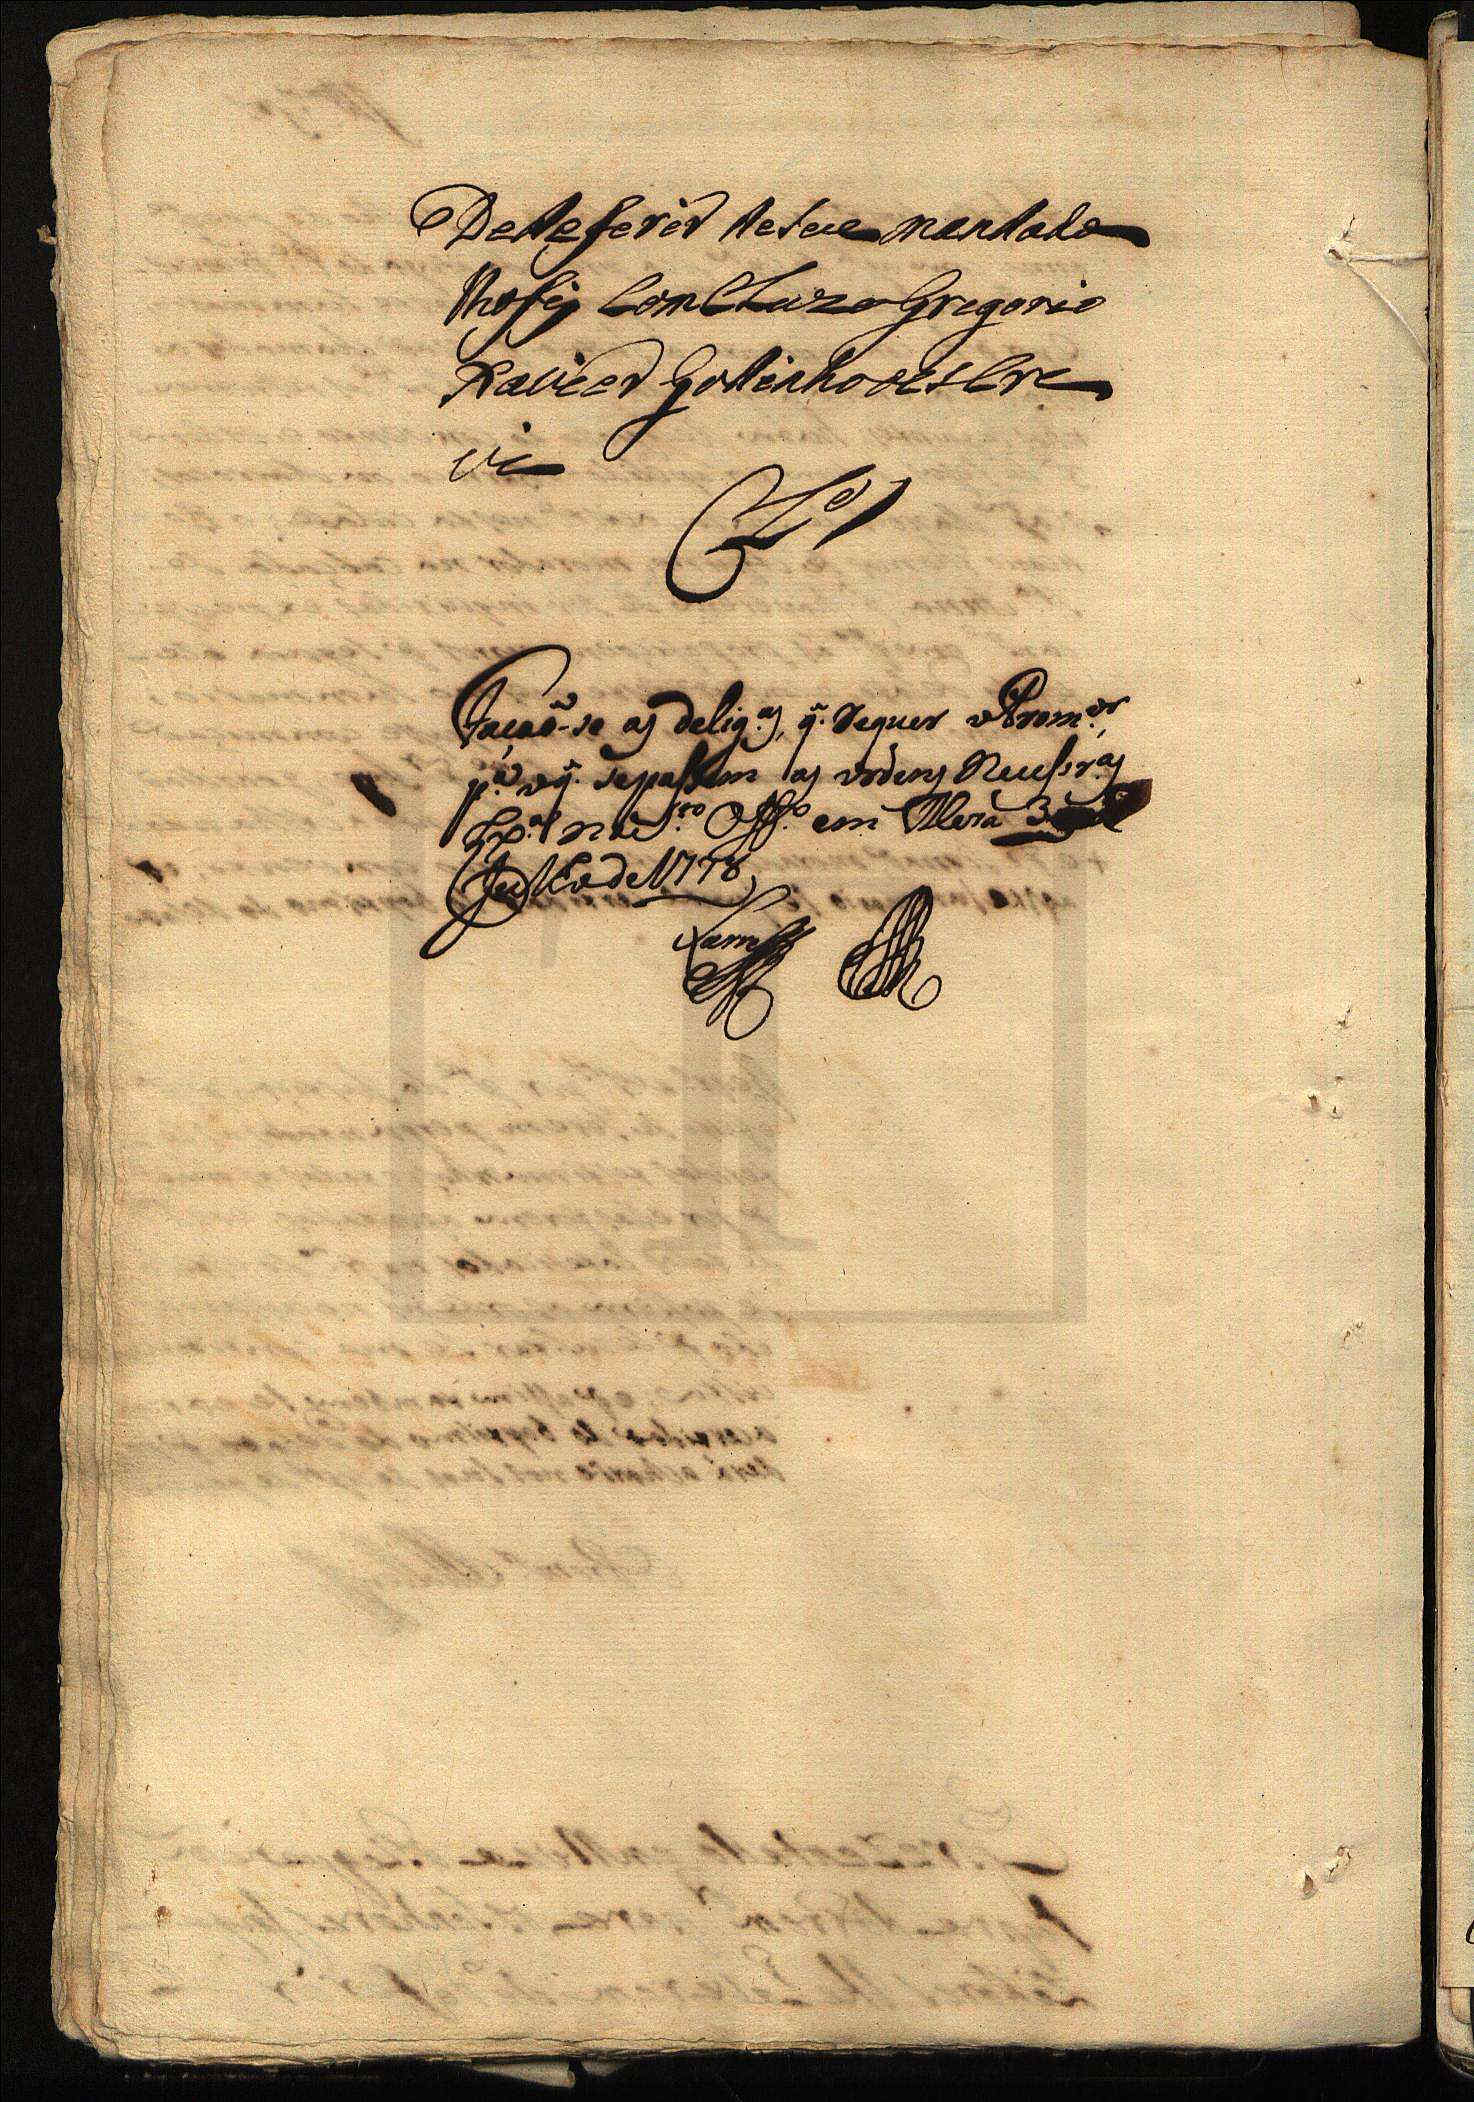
De deferir de seu mandado
lho fis ComCLuzo Gregorio
Xavier Godinho o esCre
vi
CLos
Façaõ se as delig.as, q̄ Requer o Prom.or,
p.a o q̄ se passem as ordens Necessr.as
Lx.a no S.to Off.o em Mesa 3
Julho de 1778
Larre
